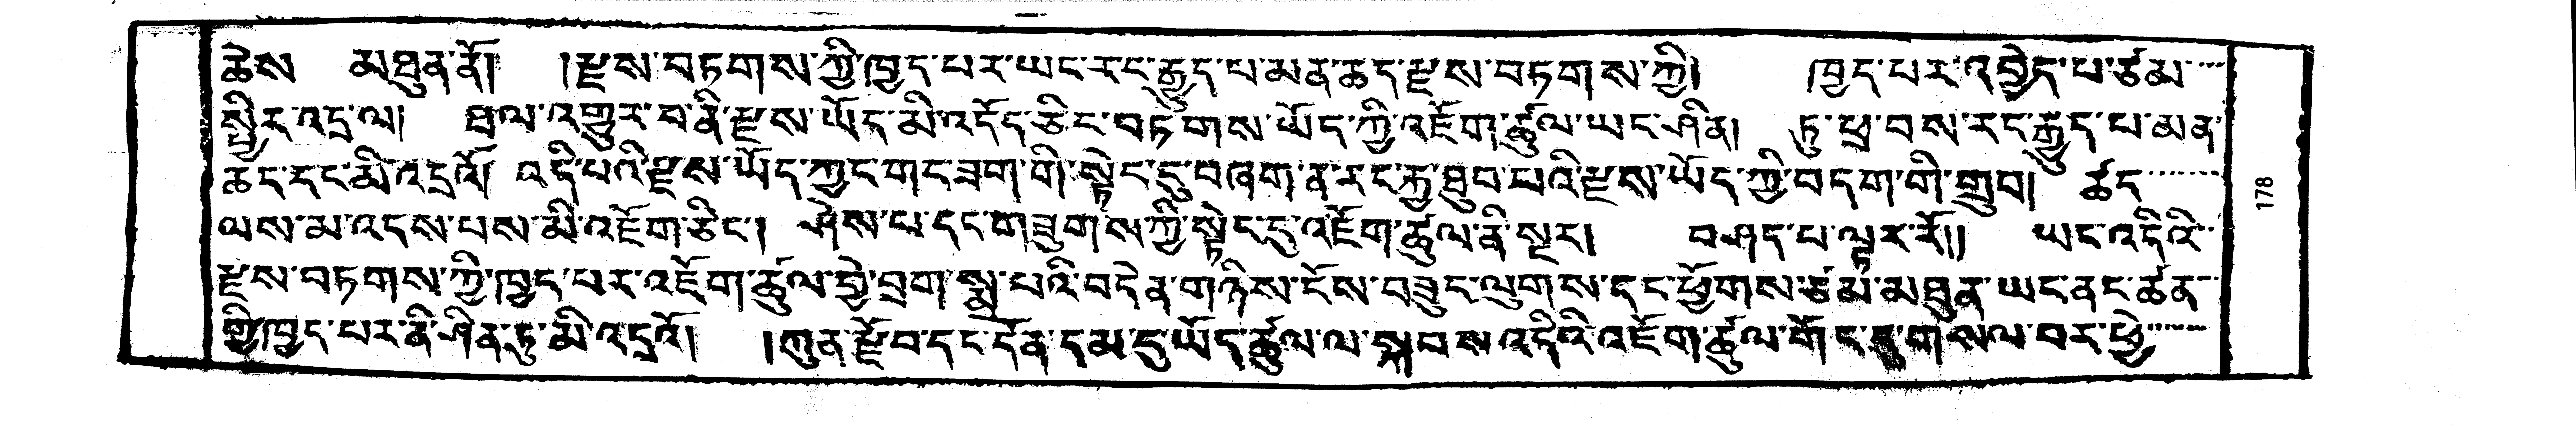ཆེས་མཐུན་ནོ། །རྫས་བཏགས་ཀྱི་ཁྱད་པར་ཡང་རང་རྒྱུད་པ་མན་ཆད་རྫས་བཏགས་ཀྱི། ཁྱད་པར་འབྱེད་པ་ཙམ་
སྤྱིར་འདྲ་ལ། ཐལ་འགྱུར་བ་ནི་རྫས་ཡོད་མི་འདོད་ཅིང་བཏགས་ཡོད་ཀྱི་འཇོག་ཚུལ་ཡང་ཤིན། ཏུ་ཕྲ་བས་རང་རྒྱུད་པ་མན་
ཆད་དང་མི་འདྲའོ། འདི་པའི་རྫས་ཡོད་ཀྱང་གང་ཟག་གི་སྟེང་དུ་བཞག་ན་རང་རྐྱ་ཐུབ་པའི་རྫས་ཡོད་ཀྱི་བདག་གི་གྲུབ། ཚད་
ལས་མ་འདས་པས་མི་འཇོག་ཅིང་། ཤེས་པ་དང་གཟུགས་ཀྱི་སྟེང་དུ་འཇོག་ཚུལ་ནི་སྔར། བཤད་པ་ལྟར་རོ། །ཡང་འདིའི་
རྫས་བཏགས་ཀྱི་ཁྱད་པར་འཇོག་ཚུལ་བྱེ་བྲག་སྨྲ་པའི་བདེན་གཉིས་ངོས་བཟུང་ལུགས་དང་ཕྱོགས་ཙམ་མཐུན་ཡང་ནང་ཚན་
གྱི་ཁྱད་པར་ནི་ཤིན་ཏུ་མི་འདྲའོ། །ཀུན་རྫོབ་དང་དོན་དམ་དུ་ཡོད་ཚུལ་ལ་སྐབས་འདིའི་འཇོག་ཚུལ་གོང་དུ་གསལ་བར་ཕྱེ་